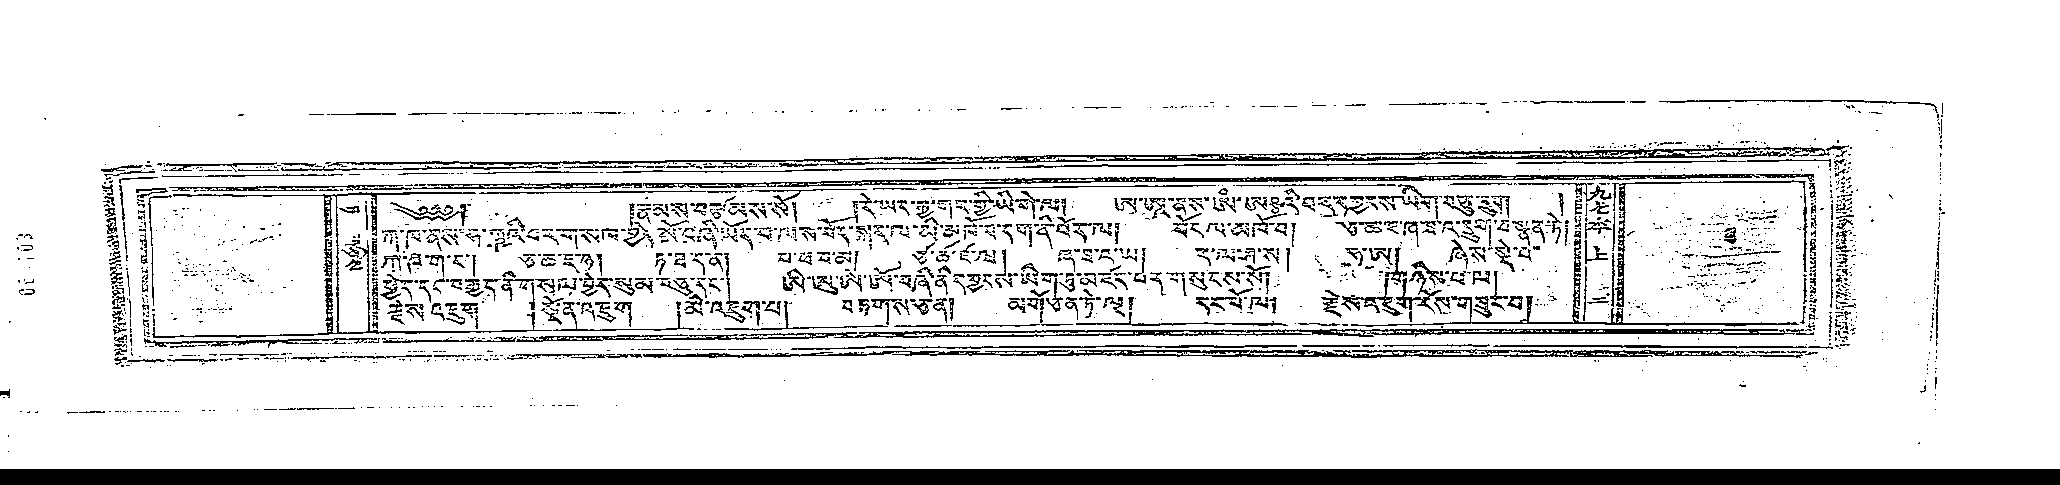༄༅༅། །རྣམས་བརྩམས་སོ། །དེ་ཡང་རྒྱ་གར་གྱི་ཡི་གེ་ལ། ཨ་ཨཱ་ནས་ཨཾ་ཨཿ་འི་བར་དབྱངས་ཡིག་བཅུ་དྲུག །
ཀ་ཁ་ནས་ཧ་ཀྵའི་བར་གསལ་བྱེད་སོ་བཞི་ཡོད་པ་ལས་བོད་སྐད་ལ་མི་མཁོ་པ་དག་ནི་བོར་ལ། བོད་ལ་མཁོ་བ། ཅ་ཆ་ཇ་ཞ་ཟ་འ་དྲུག་བསྣན་ཏེ་
ཀ་ཁ་ག་ང་། ཅ་ཆ་ཇ་ཉ། ཏ་ཐ་ད་ན། པ་ཕ་བ་མ། ཙ་ཚ་ཛ་ཝ། ཞ་ཟ་འ་ཡ། ར་ལ་ཤ་ས། ཧ་ཨ། ཞེས་སྡེ་པ་
ཕྱེད་དང་བརྒྱད་ནི་གསལ་བྱེད་སུམ་བཅུ་དང་། ཨི་ཨུ་ཨེ་ཨོ་བཞི་ནི་དབྱངས་ཡིག་ཏུ་མཛད་པར་གསུངས་སོ། །གཉིས་པ་ལ།
རྗེས་འཇུག །སྔོན་འཇུག །མི་འཇུག་པ། བཏགས་ཅན། མགོ་ཅན་ཏེ་ལྔ། དང་པོ་ལ། རྗེས་འཇུག་ངོས་གཟུང་བ། །